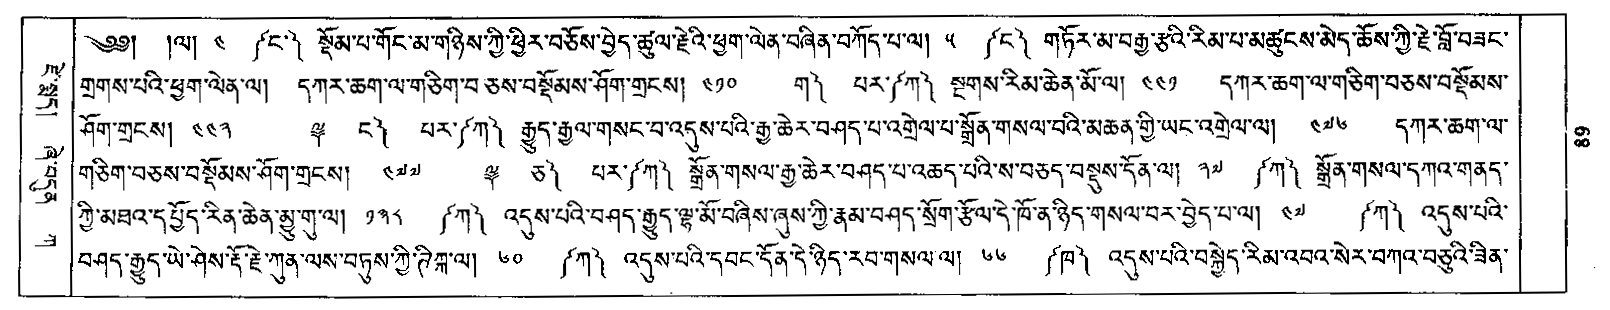༄༅། །ལ། ༤་?ང༼་སྡོམ་པ་གོང་མ་གཉིས་ཀྱི་ཕྱིར་བཅོས་བྱེད་ཚུལ་རྗེའི་ཕྱག་ལེན་བཞིན་བཀོད་པ་ལ། ༥་?ང༽ གཏོར་མ་བརྒྱ་རྩའི་རིམ་པ་མཚུངས་མེད་ཆོས་ཀྱི་རྗེ་བློ་བཟང་
གྲགས་པའི་ཕྱག་ལེན་ལ། དཀར་ཆག་ལ་གཅིག་བཅས་བསྡོམས་ཤོག་གྲངས། ༤༡༠་ག༼་པར་?ཀ༽ སྔགས་རིམ་ཆེན་མོ་ལ། ༤༤༡་དཀར་ཆག་ལ་གཅིག་བཅས་བསྡོམས་
ཤོག་གྲངས། ༤༤༢་༈ ང༼་པར་?ཀ༽ རྒྱུད་རྒྱལ་གསང་བ་འདུས་པའི་རྒྱ་ཆེར་བཤད་པ་འགྲེལ་པ་སྒྲོན་གསལ་བའི་མཆན་གྱི་ཡང་འགྲེལ་ལ། ༤༧༦་དཀར་ཆག་ལ་
གཅིག་བཅས་བསྡོམས་ཤོག་གྲངས། ༤༧༧་༈ ཅ༼་པར་?ཀ༽ སྒྲོན་གསལ་རྒྱ་ཆེར་བཤད་པ་འཆད་པའི་ས་བཅད་བསྡུས་དོན་ལ། ༢༧་?ཀ་སྒྲོན་གསལ་དཀའ་གནད་
ཀྱི་མཐའ་དཔྱོད་རིན་ཆེན་མྱུ་གུ་ལ། ༡༣༨་?ཀ༼་འདུས་པའི་བཤད་རྒྱུད་ལྷ་མོ་བཞིས་ཞུས་ཀྱི་རྣམ་བཤད་སྲོག་རྩོལ་དེ་ཁོ་ན་ཉིད་གསལ་བར་བྱེད་པ་ལ། ༤༧་?ཀ༽ འདུས་པའི་
བཤད་རྒྱུད་ཡེ་ཤེས་རྡོ་རྗེ་ཀུན་ལས་བཏུས་ཀྱི་ཊིཀྐ་ལ། ༦༠་?ཀ༼་འདུས་པའི་དབང་དོན་དེ་ཉིད་རབ་གསལ་ལ། ༦༦་?ཁ༽ འདུས་པའི་བསྐྱེད་རིམ་འབའ་སེར་བཀའ་བཅུའི་ཟིན་